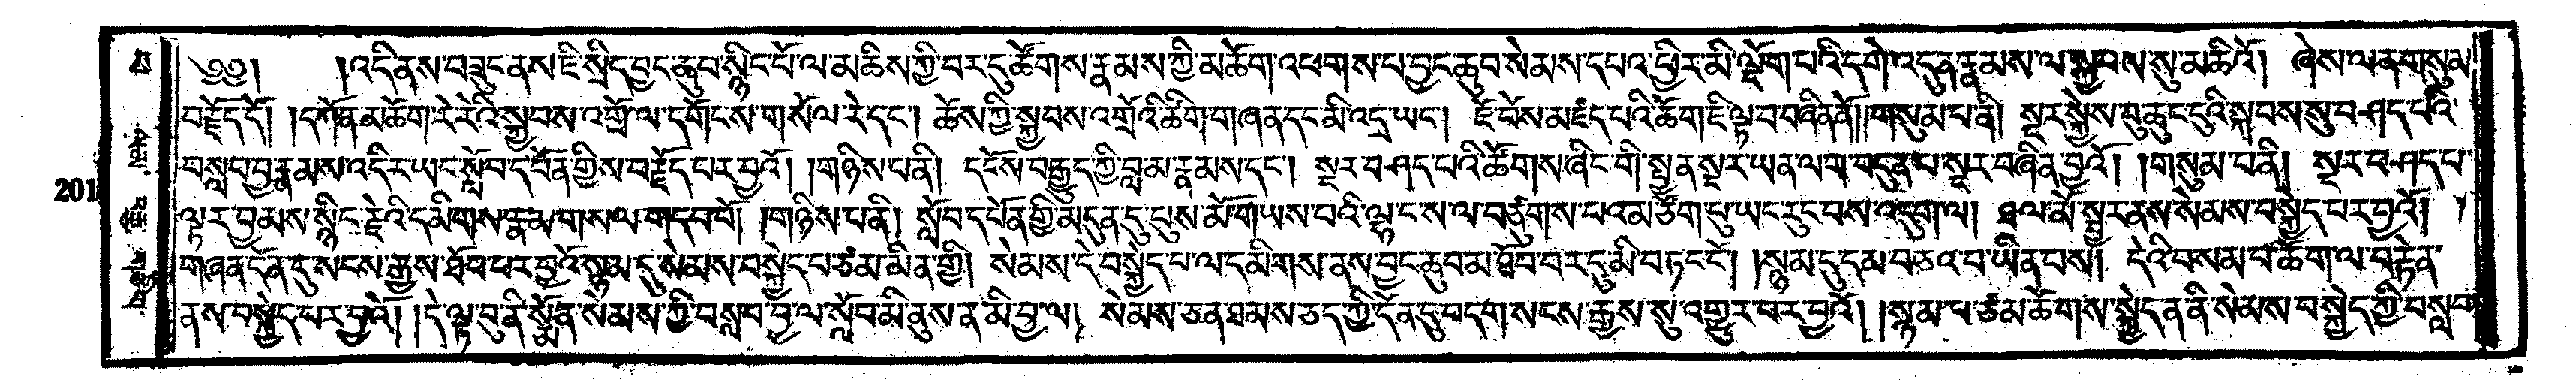༄༅། །འདི་ནས་བཟུང་ནས་ཇི་སྲིད་བྱང་ཆུབ་སྙིང་པོ་ལ་མཆིས་ཀྱི་བར་དུ་ཚོགས་རྣམས་ཀྱི་མཆོག་འཕགས་པ་བྱང་ཆུབ་སེམས་དཔའ་ཕྱིར་མི་ལྡོག་པའི་དགེ་འདུན་རྣམས་ལ་སྐྱབས་སུ་མཆིའོ། ཞེས་ལན་གསུམ་
བརྗོད་དོ། །དཀོན་མཆོག་རེ་རེའི་སྐྱབས་འགྲོ་ལ་དགོངས་གསོལ་རེ་དང་། ཆོས་ཀྱི་སྐྱབས་འགྲོའི་ཚིག་གཞན་དང་མི་འདྲ་ཡང་། ཇོ་བོས་མཛད་པའི་ཆོག་ཇི་ལྟ་བ་བཞིན་ནོ། །གསུམ་པ་ནི། སྔར་སྐྱེས་བུ་ཆུང་དུའི་སྐབས་སུ་བཤད་པའི་
བསླབ་བྱ་རྣམས་འདིར་ཡང་སློབ་དཔོན་གྱིས་བརྗོད་པར་བྱའོ། །གཉིས་པ་ནི། དངོས་བརྒྱུད་ཀྱི་བླ་མ་རྣམས་དང་། སྔར་བཤད་པའི་ཚོགས་ཞིང་གི་སྤྱན་སྔར་ཡན་ལག་བདུན་པ་སྔར་བཞིན་བྱའོ། །གསུམ་པ་ནི། སྔར་བཤད་པ་
ལྟར་བྱམས་སྙིང་རྗེའི་དམིགས་རྣམ་གསལ་གདབ་བོ། །གཉིས་པ་ནི། སློབ་དཔོན་གྱི་མདུན་དུ་པུས་མོ་གཡས་པའི་ལྷ་ང་ས་ལ་བཙུགས་པའམ་ཙོག་པུ་ཡང་རུང་བས་འདུག་ལ། ཐལ་མོ་སྦྱར་ནས་སེམས་བསྐྱེད་པར་བྱའོ། །
གཞན་དོན་དུ་སངས་རྒྱས་ཐོབ་པར་བྱའོ་སྙམ་དུ་སེམས་བསྐྱེད་པ་ཙམ་མིན་གྱི། སེམས་དེ་བསྐྱེད་པ་ལ་དམིགས་ནས་བྱང་ཆུབ་མ་ཐོབ་པར་དུ་མི་བཏང་ངོ། །སྙམ་དུ་དམ་བཅའ་བ་ཡིན་པས། དེའི་བསམ་པ་ཆོག་ལ་བརྟེན་
ནས་བསྐྱེད་པར་བྱའོ། །དེ་ལྟ་བུ་ནི་སྨོན་སེམས་ཀྱི་བསླབ་བྱ་ལ་སློབ་མི་ནུས་ན་མི་བྱ་ལ། སེམས་ཅན་ཐམས་ཅད་ཀྱི་དོན་དུ་བདག་སངས་རྒྱས་སུ་འགྱུར་པར་བྱའོ། །སྙམ་པ་ཙམ་ཚོགས་སྐྱེད་ན་ནི་སེམས་བསྐྱེད་ཀྱི་བསླབ་